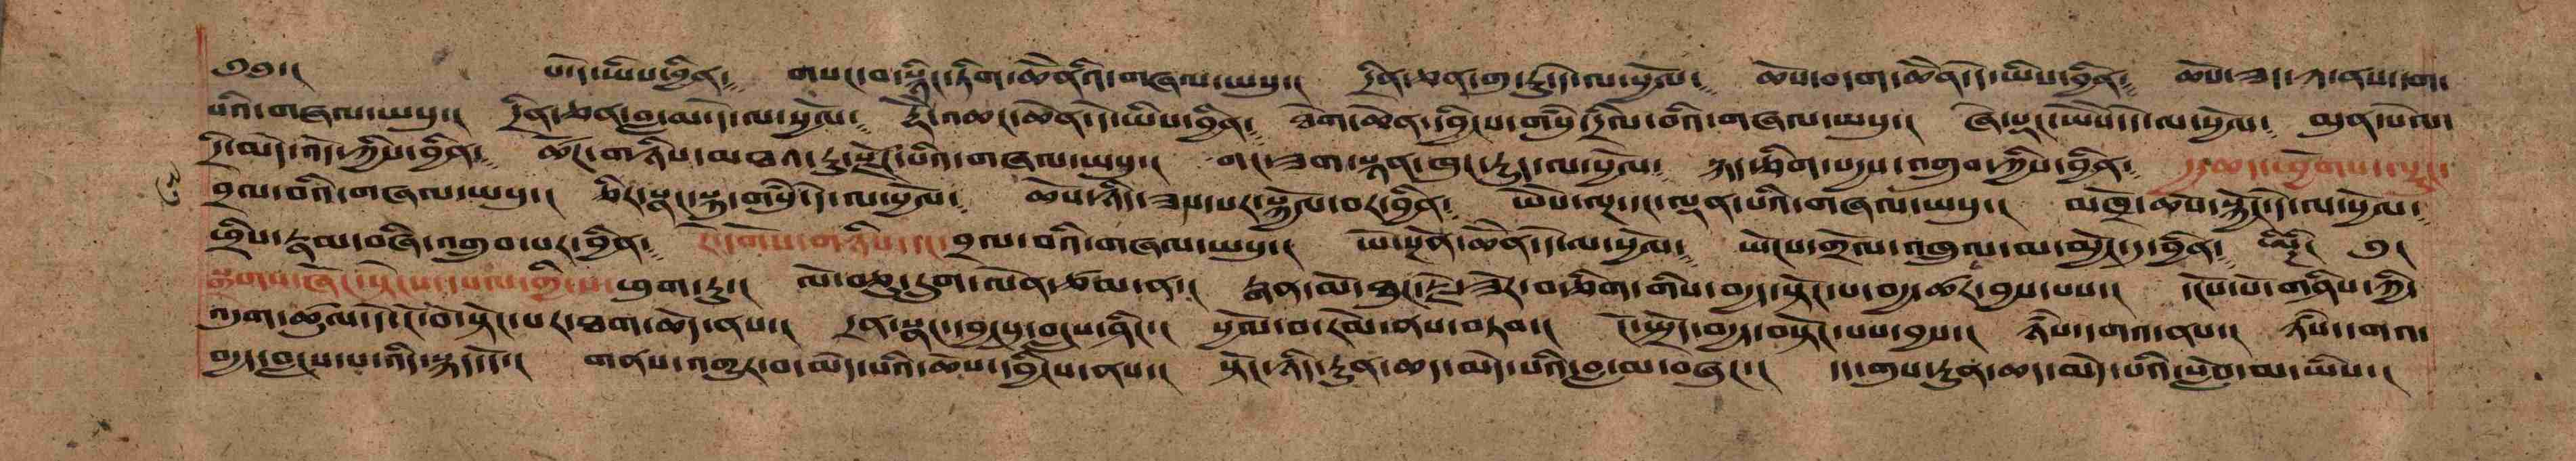༄༅།། པ་དེ་ཡི་ཕྱིན། གསང་བ་སྙིང་ཏིག་ཆེན་པོའི་གཞལ་ཡས་སུ།། དྲིན་ཅན་གུ་རུ་དེ་ལ་གསོལ་བ་འདེབས།། ཆོས་བདག་ཆེན་པོ་དེ་ཡིས་བྱིན་གྱིས་རློབས།། ཆོས་ཟད་ཀ་ནས་དག་
པའི་གཞལ་ཡས་སུ།། དྲིན་ཅན་བླ་མ་དེ་ལ་གསོལ་བ་འདེབས།། རྡོ་རྗེ་འཆང་ཆེན་དེ་ཡིས་བྱིན་གྱིས་རློབས།། ཐེག་ཆེན་དབྱིངས་གསུམ་དྲིལ་བའི་གཞལ་ཡས་སུ།། ཞེ་སྡང་ཡེ་ཤེས་དེ་ལ་གསོལ་བ་འདེབས།། མུན་སེལ་
དྲི་མེད་འོད་ཀྱིས་བྱིན་གྱིས་རློབས།། ཚོགས་གཉིས་མཐའ་རུ་རྫོགས་པའི་གཞལ་ཡས་སུ།། གང་ཟག་སྙན་ཁུང་བརྒྱུད་ལ་གསོལ་བ་འདེབས།། སྐད་ཅིག་སངས་རྒྱས་འགྲུབ་ཀྱིས་བྱིན་གྱིས་རློབས།། རྒྱ་ཆད་ཕྱོགས་ལྷུང་
བྲལ་བའི་གཞལ་ཡས་སུ།། ཅིར་སྣང་སྐུ་གསུམ་དེ་ལ་གསོལ་བ་འདེབས།། ཆོས་ཉིད་ཟད་སར་སྐྱོལ་བར་བྱིན་གྱིས་རློབས།། ཡེ་ཤེས་ལྔ་དང་ལྡན་པའི་གཞལ་ཡས་སུ།། མཁའ་འགྲོ་ཆོས་སྐྱོང་དེ་ལ་གསོལ་
ཕྲིན་ལས་རྣམ་བཞི་འགྲུབ་པར་བྱིན་གྱིས་རློབས།། རེ་དོགས་གཉིས་དང་བྲལ་བའི་གཞལ་ཡས་སུ།། ཡེ་སྔོན་ཆེན་པོ་དེ་ལ་གསོལ་བ་འདེབས།། ཡོངས་གྲོལ་འཁྲུལ་མ་མྱོང་དུ་བྱིན་གྱིས་རློབས།། ཨྚི།། བུ། 
སྒྲགས་ཞོང་སྟེངས་དཔལ་གྱི་ས་ཕུག་ཏུ།། ལོ་བཅུ་དྲུག་ལོན་ཙམ་ན།། རྒན་མོ་ཐུགས་རྗེ་ཟེར་བརྩེགས་གིས་བརྒྱད་སྟོང་པ་བརྒྱ་ཚར་བྱས་པས། དངོས་པོ་གཤིས་ཀྱི་
འདུག་ཚུལ་དེ་ངོ་བོ་སྟོང་པར་ཐག་ཆོད་ནས།། དྲན་སྣང་དབྱངས་སུ་བླངས་ཤིང་།། གསོལ་བ་རེམ་ནས་བཏབ། ངོ་སྤྲོད་བརྒྱད་སྟོང་པས་བྱས།། ཉམས་དགའ་ནས། ཉམས་དགའ་
བརྒྱད་བླངས་པ་འདི་སྐད་དོ།། གནས་འགྱུར་བ་མེད་པའི་ཆོས་དབྱིངས་ནས།། སྟོང་ཉིད་རྒྱུན་ཆད་མེད་པའི་བླ་མ་བཞུགས།། དད་གུས་རྒྱུན་ཆད་མེད་པའི་སློབ་མ་ཡིས།།